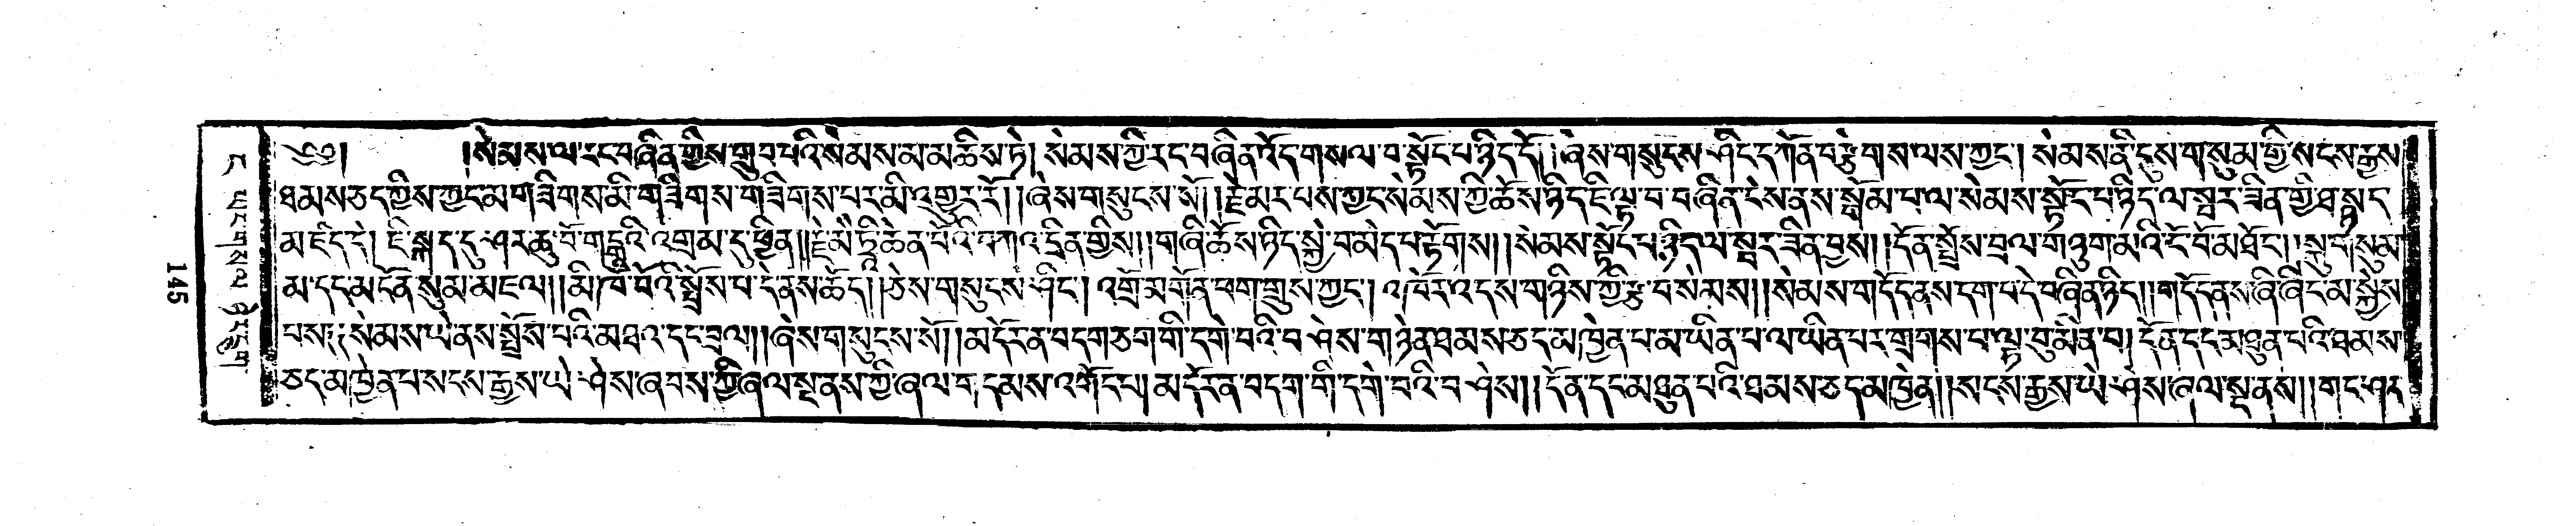༄༅། །སེམས་ལ་རང་བཞིན་གྱིས་གྲུབ་པའི་སེམས་མ་མཆིས་ཏེ། སེམས་ཀྱི་རང་བཞིན་འོད་གསལ་བ་སྟོང་པ་ཉིད་དོ། ཞེས་གསུངས་ཤིང་དཀོན་བརྩེགས་ལས་ཀྱང་། སེམས་ནི་དུས་གསུམ་གྱི་སངས་རྒྱས་
ཐམས་ཅད་ཀྱིས་ཀྱང་མ་གཟིགས་མི་གཟིགས་གཟིགས་པར་མི་འགྱུར་རོ། །ཞེས་གསུངས་སོ། །རྗེ་མར་པས་ཀྱང་སེམས་ཀྱི་ཆོས་ཉིད་ཇི་ལྟ་བ་བཞིན་ངེས་ནས་སྒོམ་པ་ལ་སེམས་སྟོང་པ་ཉིད་ལ་སྦར་ཟིན་གྱི་ཐ་སྙད་
མཛད་དེ། ཇི་སྐད་དུ་ཤར་ཆུ་བོ་གངྒཱའི་འགྲམ་དུ་ཕྱིན། །རྗེ་མཻ་ཏྲཱི་ཆེན་པོའི་བཀའ་དྲིན་གྱིས། །གཞི་ཆོས་ཉིད་སྐྱེ་བ་མེད་པ་རྟོགས། །སེམས་སྟོང་པ་ཉིད་ལ་སྦར་ཟིན་བྱས། །དོན་སྤྲོས་བྲལ་གཉུག་མའི་ངོ་བོ་མཐོང་། །སྐུ་གསུམ་
མ་དང་མངོན་སུམ་མཇལ། །མི་ཁོ་བོའི་སྤྲོས་པ་དེ་ནས་ཆོད། །ཅེས་གསུངས་ཤིང་། འགྲོ་མགོན་ཕག་གྲུས་ཀྱང་། འཁོར་འདས་གཉིས་ཀྱི་རྩ་བ་སེམས། །སེམས་གདོད་ནས་དག་པ་དེ་བཞིན་ཉིད། །གདོད་ནས་ཞི་ཞིང་མ་སྐྱེས་
པས། །སེམས་ཡེ་ནས་སྤྲོས་པའི་མཐའ་དང་བྲལ། །ཞེས་གསུངས་སོ། །མདོར་ན་བདག་ཅག་གི་དགེ་བའི་བཤེས་གཉེན་ཐམས་ཅད་མཁྱེན་པ་མ་ཡིན་པ་ལ་ཡིན་པར་གྲགས་པ་ལྟ་བུ་མིན་པ། དོན་དང་མཐུན་པའི་ཐམས་
ཅད་མཁྱེན་པ་སངས་རྒྱས་ཡེ་ཤེས་ཞབས་ཀྱི་ཞལ་སྔ་ནས་ཀྱི་ཞལ་གདམས་འགོད་པ། མདོར་ན་བདག་གི་དགེ་བའི་བཤེས། །དོན་དང་མཐུན་པའི་ཐམས་ཅད་མཁྱེན། །སངས་རྒྱས་ཡེ་ཤེས་ཞལ་སྔ་ནས། །གང་ཤར་